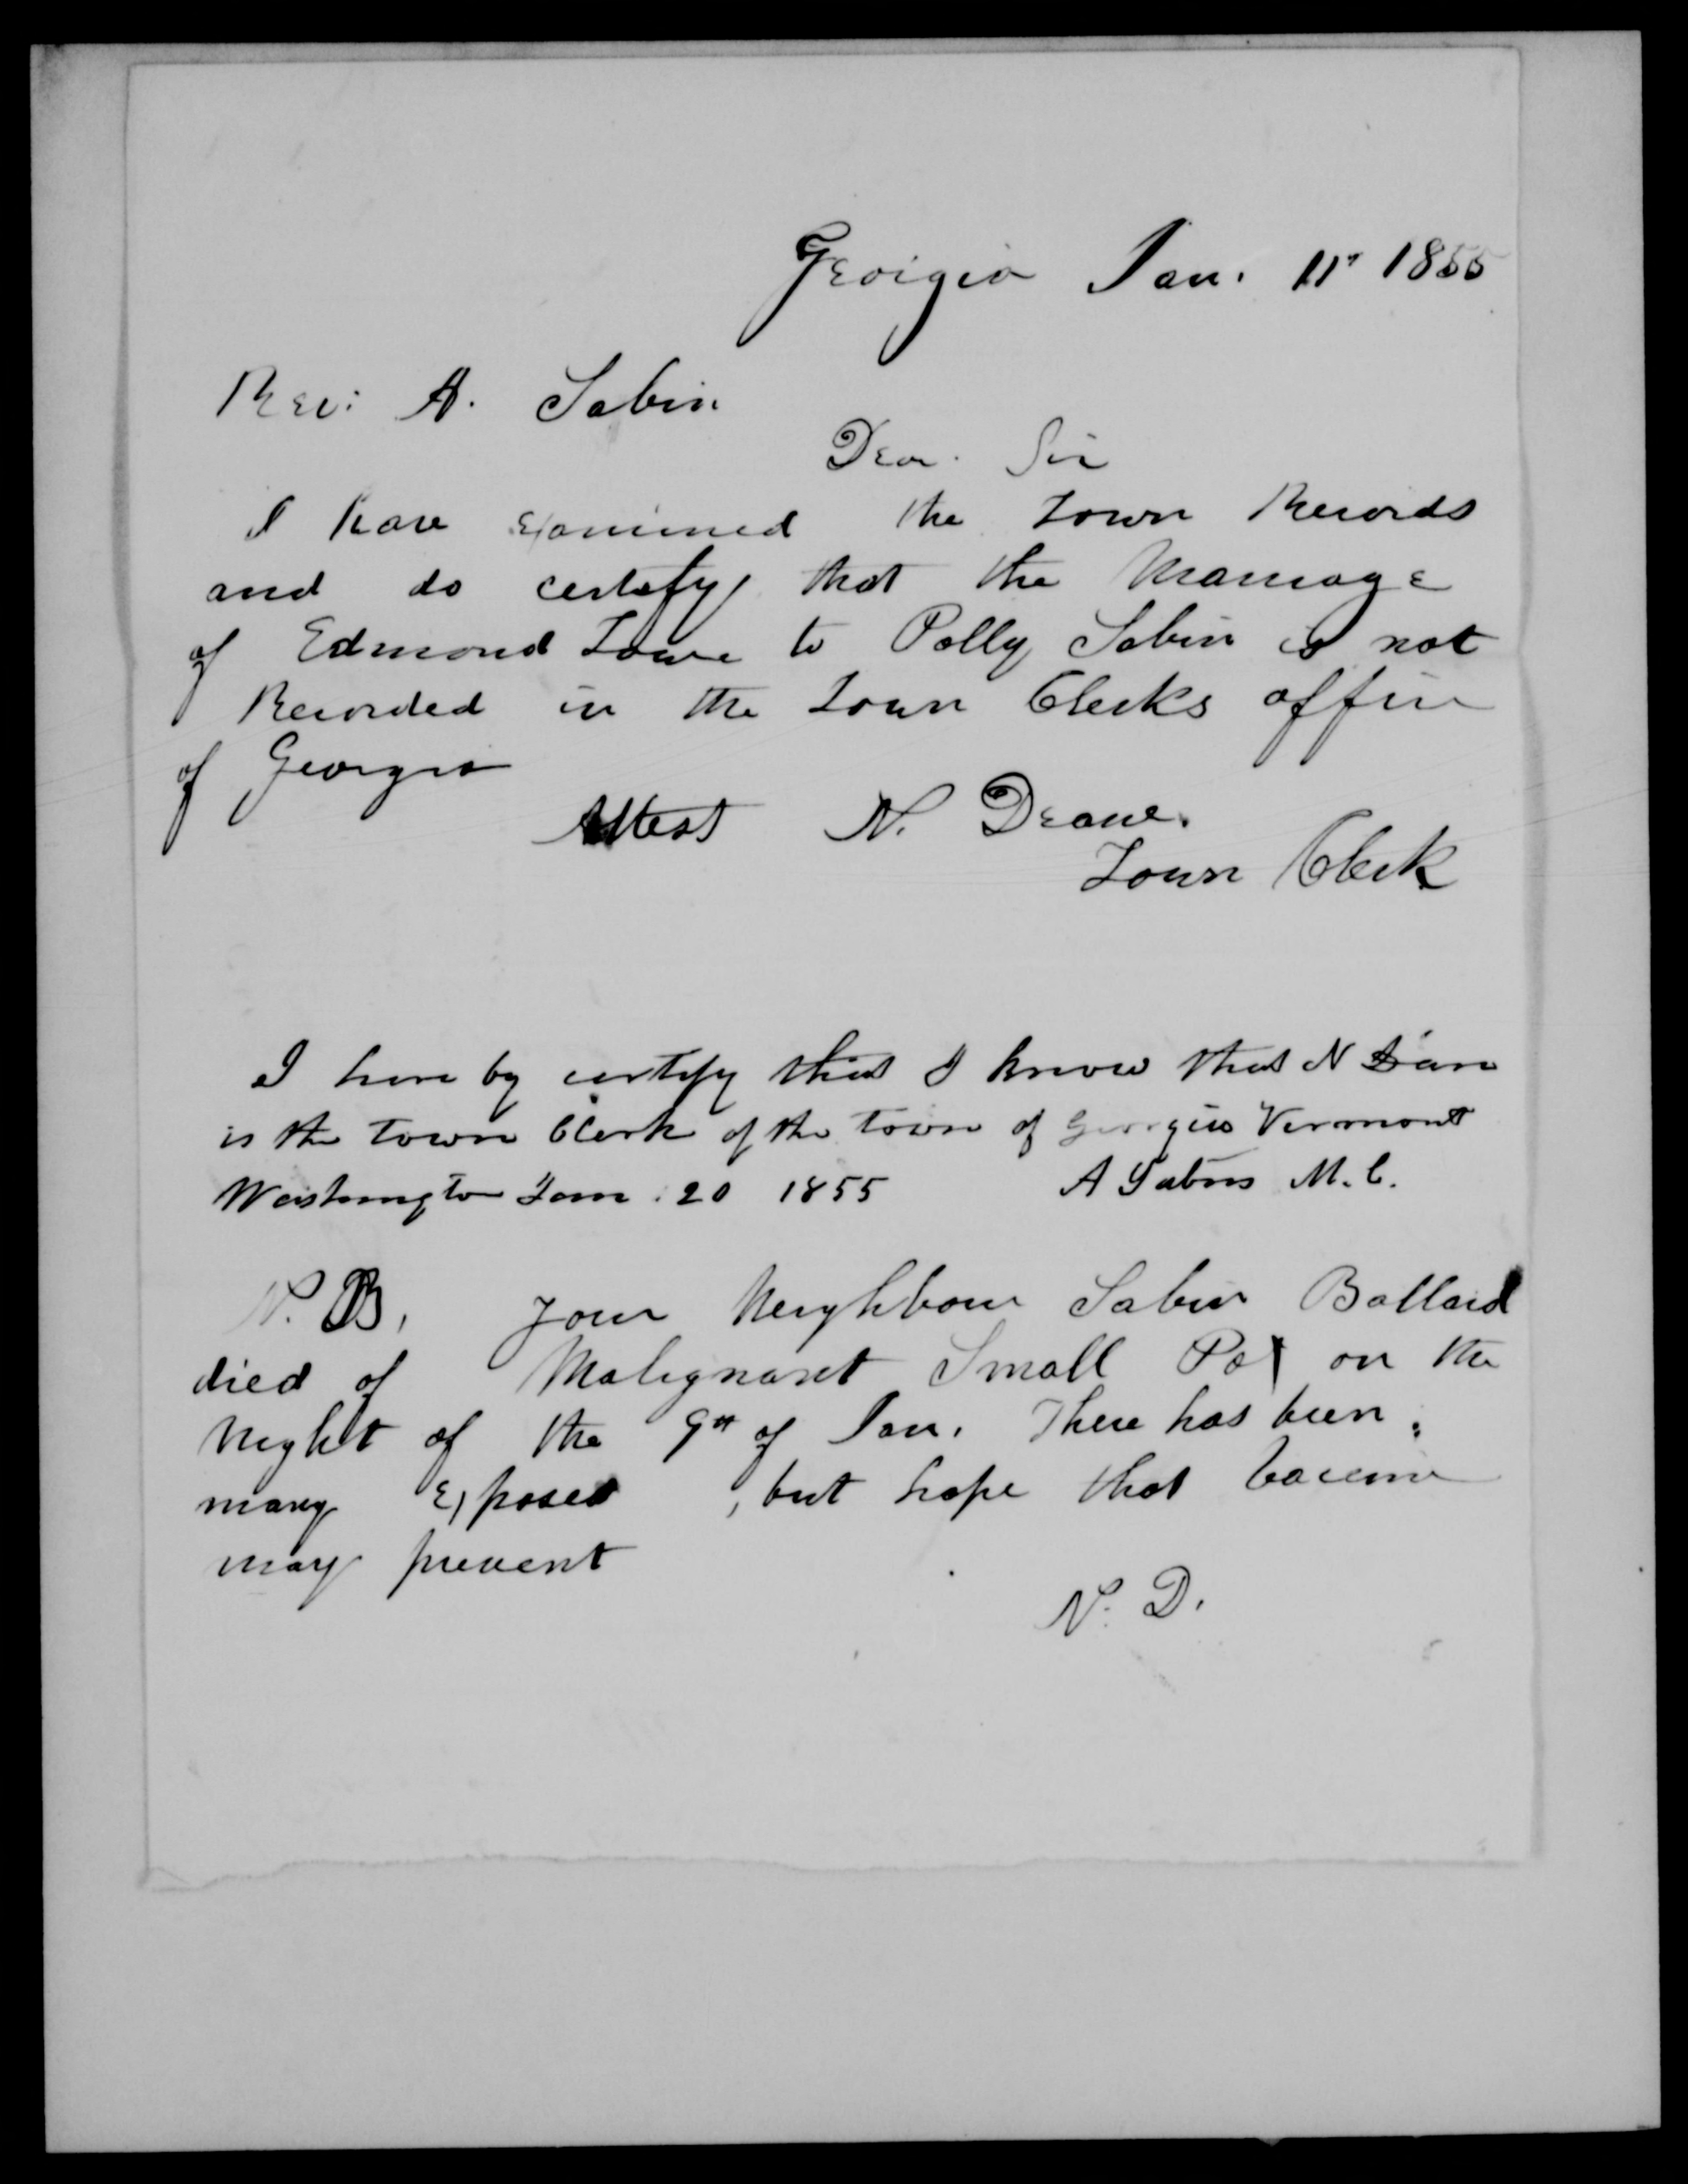Georgia Jan. 11th 1855

Rev, A. Sabin
Dear Sir
I have examined the Town Records and do certify the marriage of Edmond Town to Polly Sabin is not recorded in the Town Clerks office of Georgia.
Attest N. Deane
Town Clerk

I hereby certify that I know that N. Deane is the Town Clerk of the Town of Georgia Vermont.
Washington Jan. 20 1855
A. Sabin M. C.

P. B.. Your neighbour Sabin Ballard died of Malignant Small Pox on the night of the 9th of Jan. There has been many exposed, but hope that barium may prevent.
N.D.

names: Sabin Ballard, N Dan, N Dean, A Sabin, Edmond Towne, Polly Sabin, A Sabin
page: 37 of 64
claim: widow's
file: W. 5831, Edmund Town, Mass.